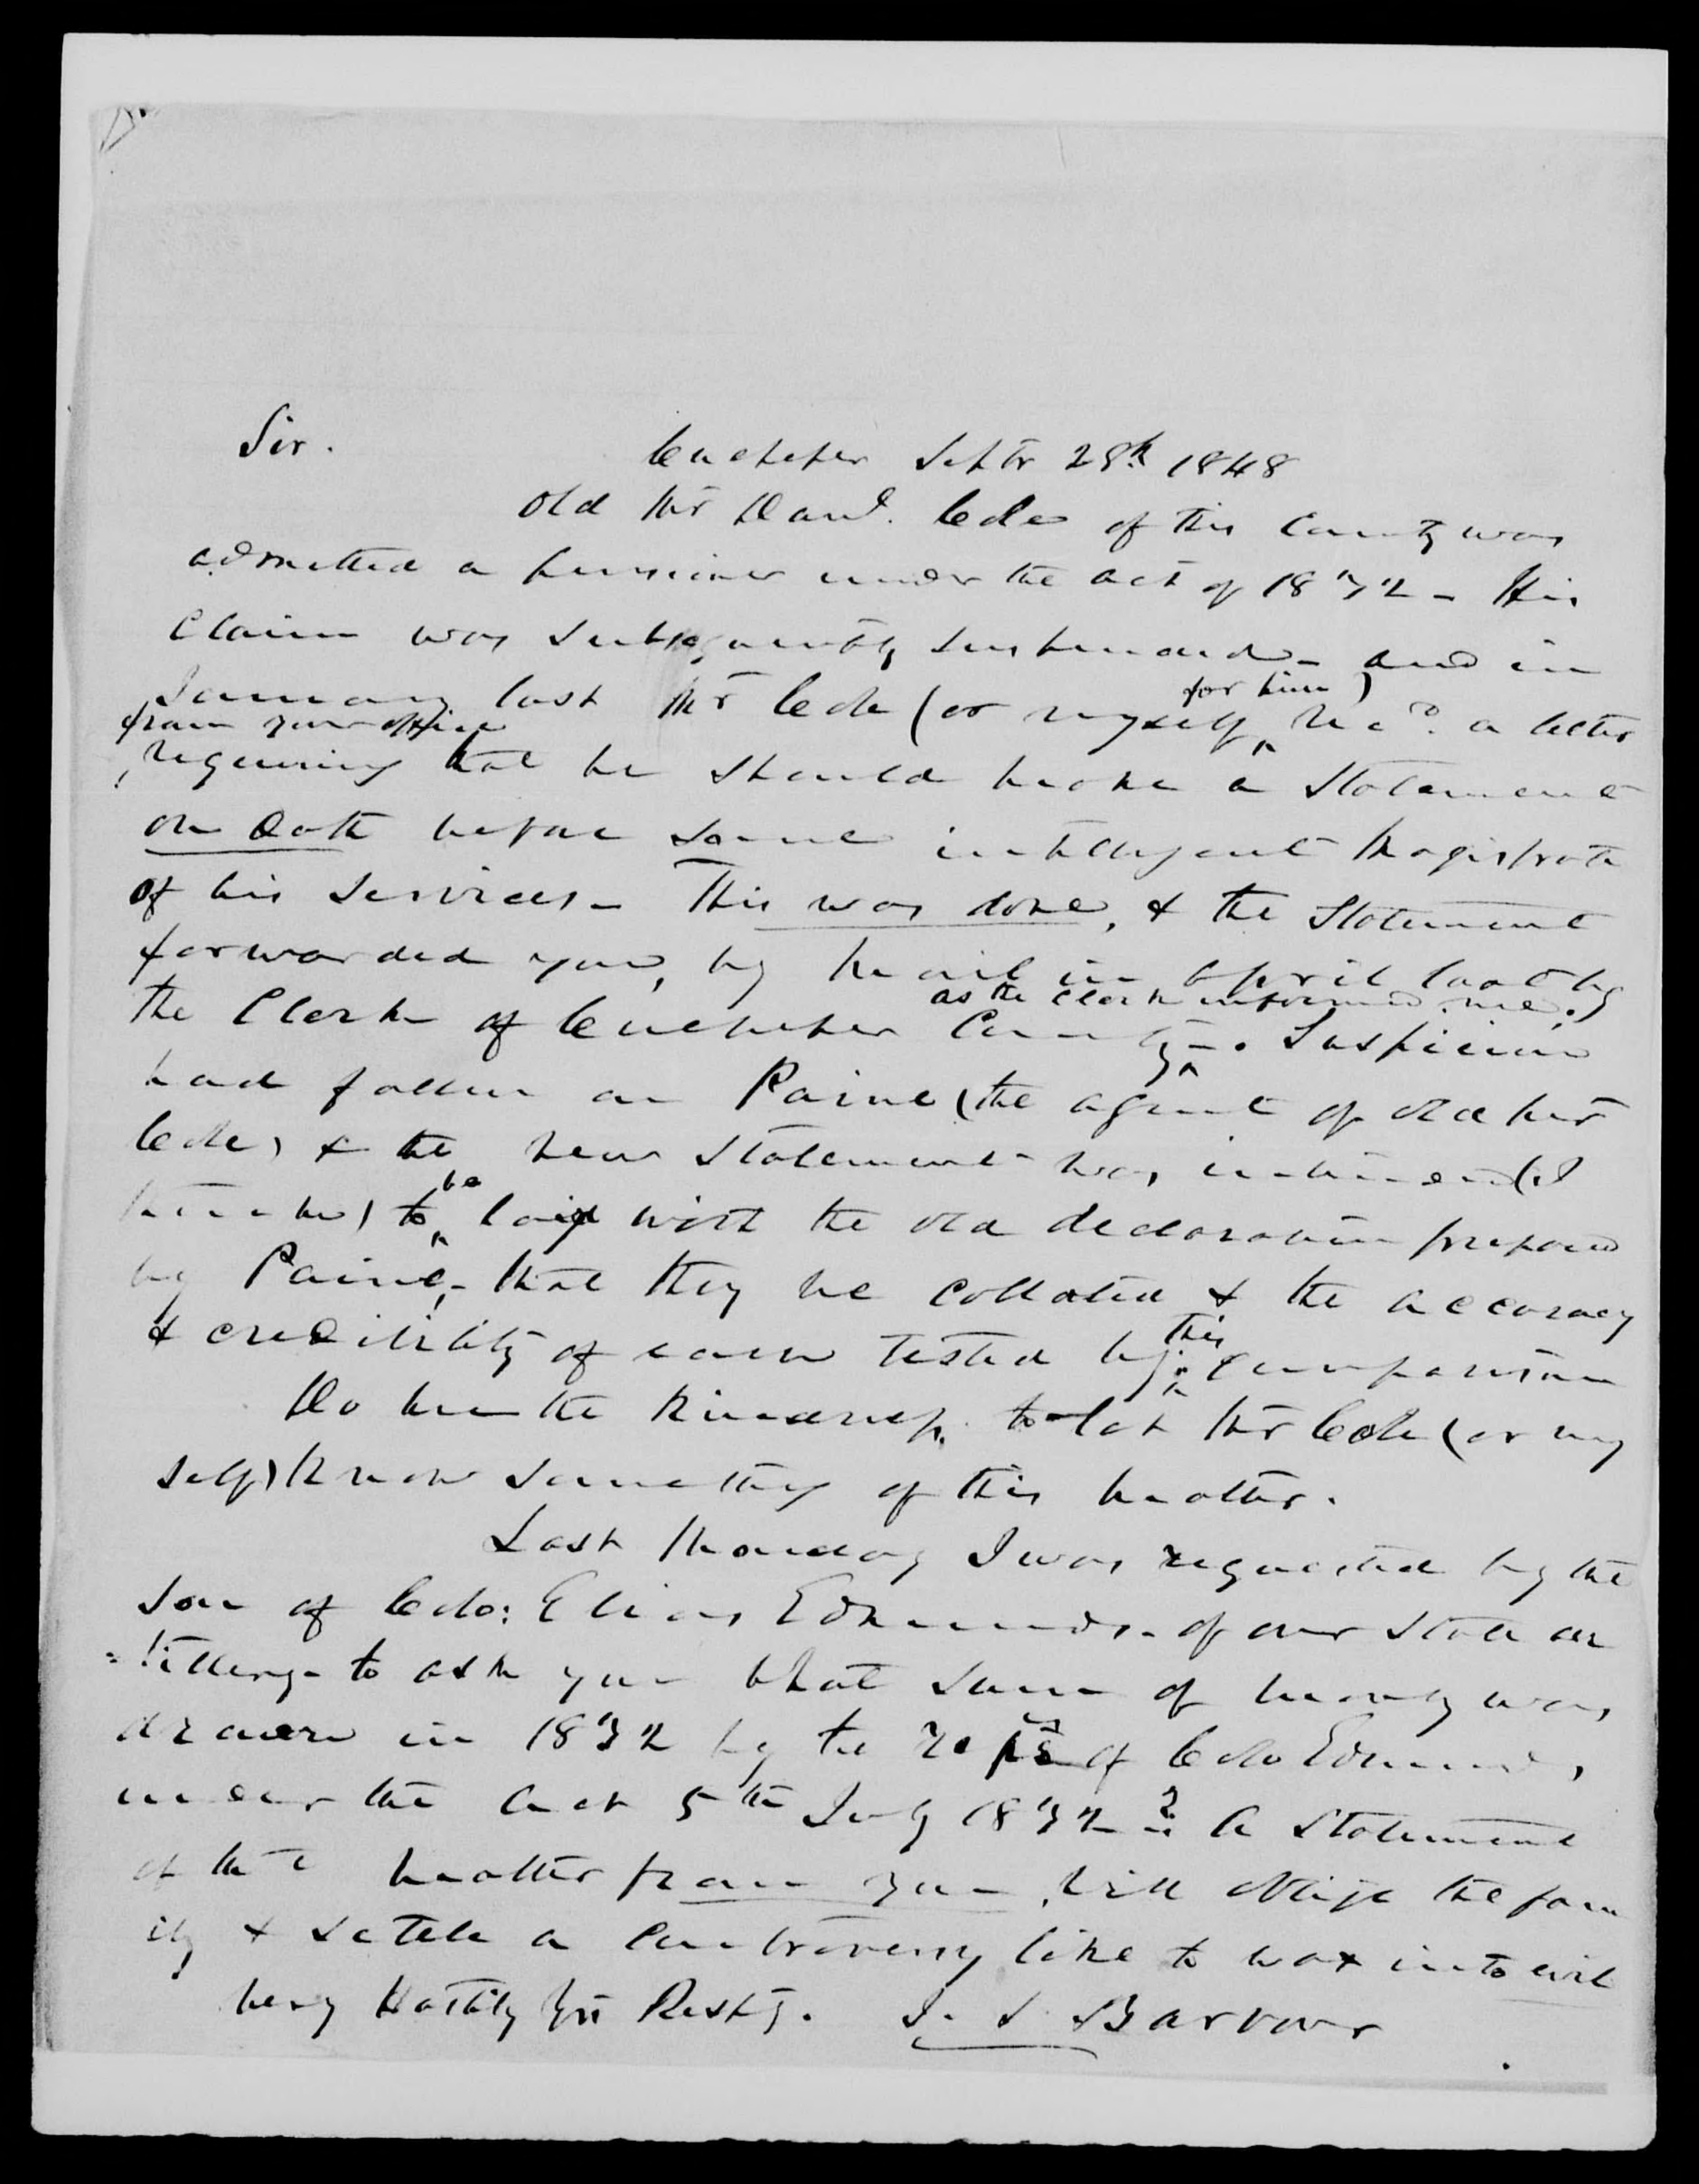Culpeper Septr 28th 1848
Sir
Old Mr Danl [Daniel] Cole of this County was
admitted a pensioner under the act of 1812.
His claim was subsequently suspended and in
January last Mr Cole (or myself for him) recd [received] a letter from your office requiring that he should [illegible] a statement on oath before same in [illegible] Magistrate of his services- this was done, & the statement forwarded you by the [illegible] in April last as the clerk informed me; 
the Clerk of Culpeper County Suspicion
had fallen on Paine (the agent of the office here, Cole,) & the new statement was intended (I think) to lay with the old declaration prepared by Paine that they be collated & the accuracy & credibility of such tested by this comparison. Do me the kindness to let Mr Cole (or myself) know something of this matter
Last Monday I was requested by the
son of Colo [Colonel] Elias Edwards of our state or [requesting] to ask you what sum of money was drawn in 1872 by the rest of the
Reps [Representatives] of Colo [Colonel] Edwards under the Act 5th July 1832? A statement of the matter from you will oblige the family & settle a controversy like to wax into evil.

Very hastily in respt.[respect]
 J. S. Barbour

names: Paine, Cole, Cole, Edmunds, J S Barbour, Cole, Elias Edmunds, Danl Cole, Paine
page: 48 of 61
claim: survivor's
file: S. 8236, Daniel Cole, Va.